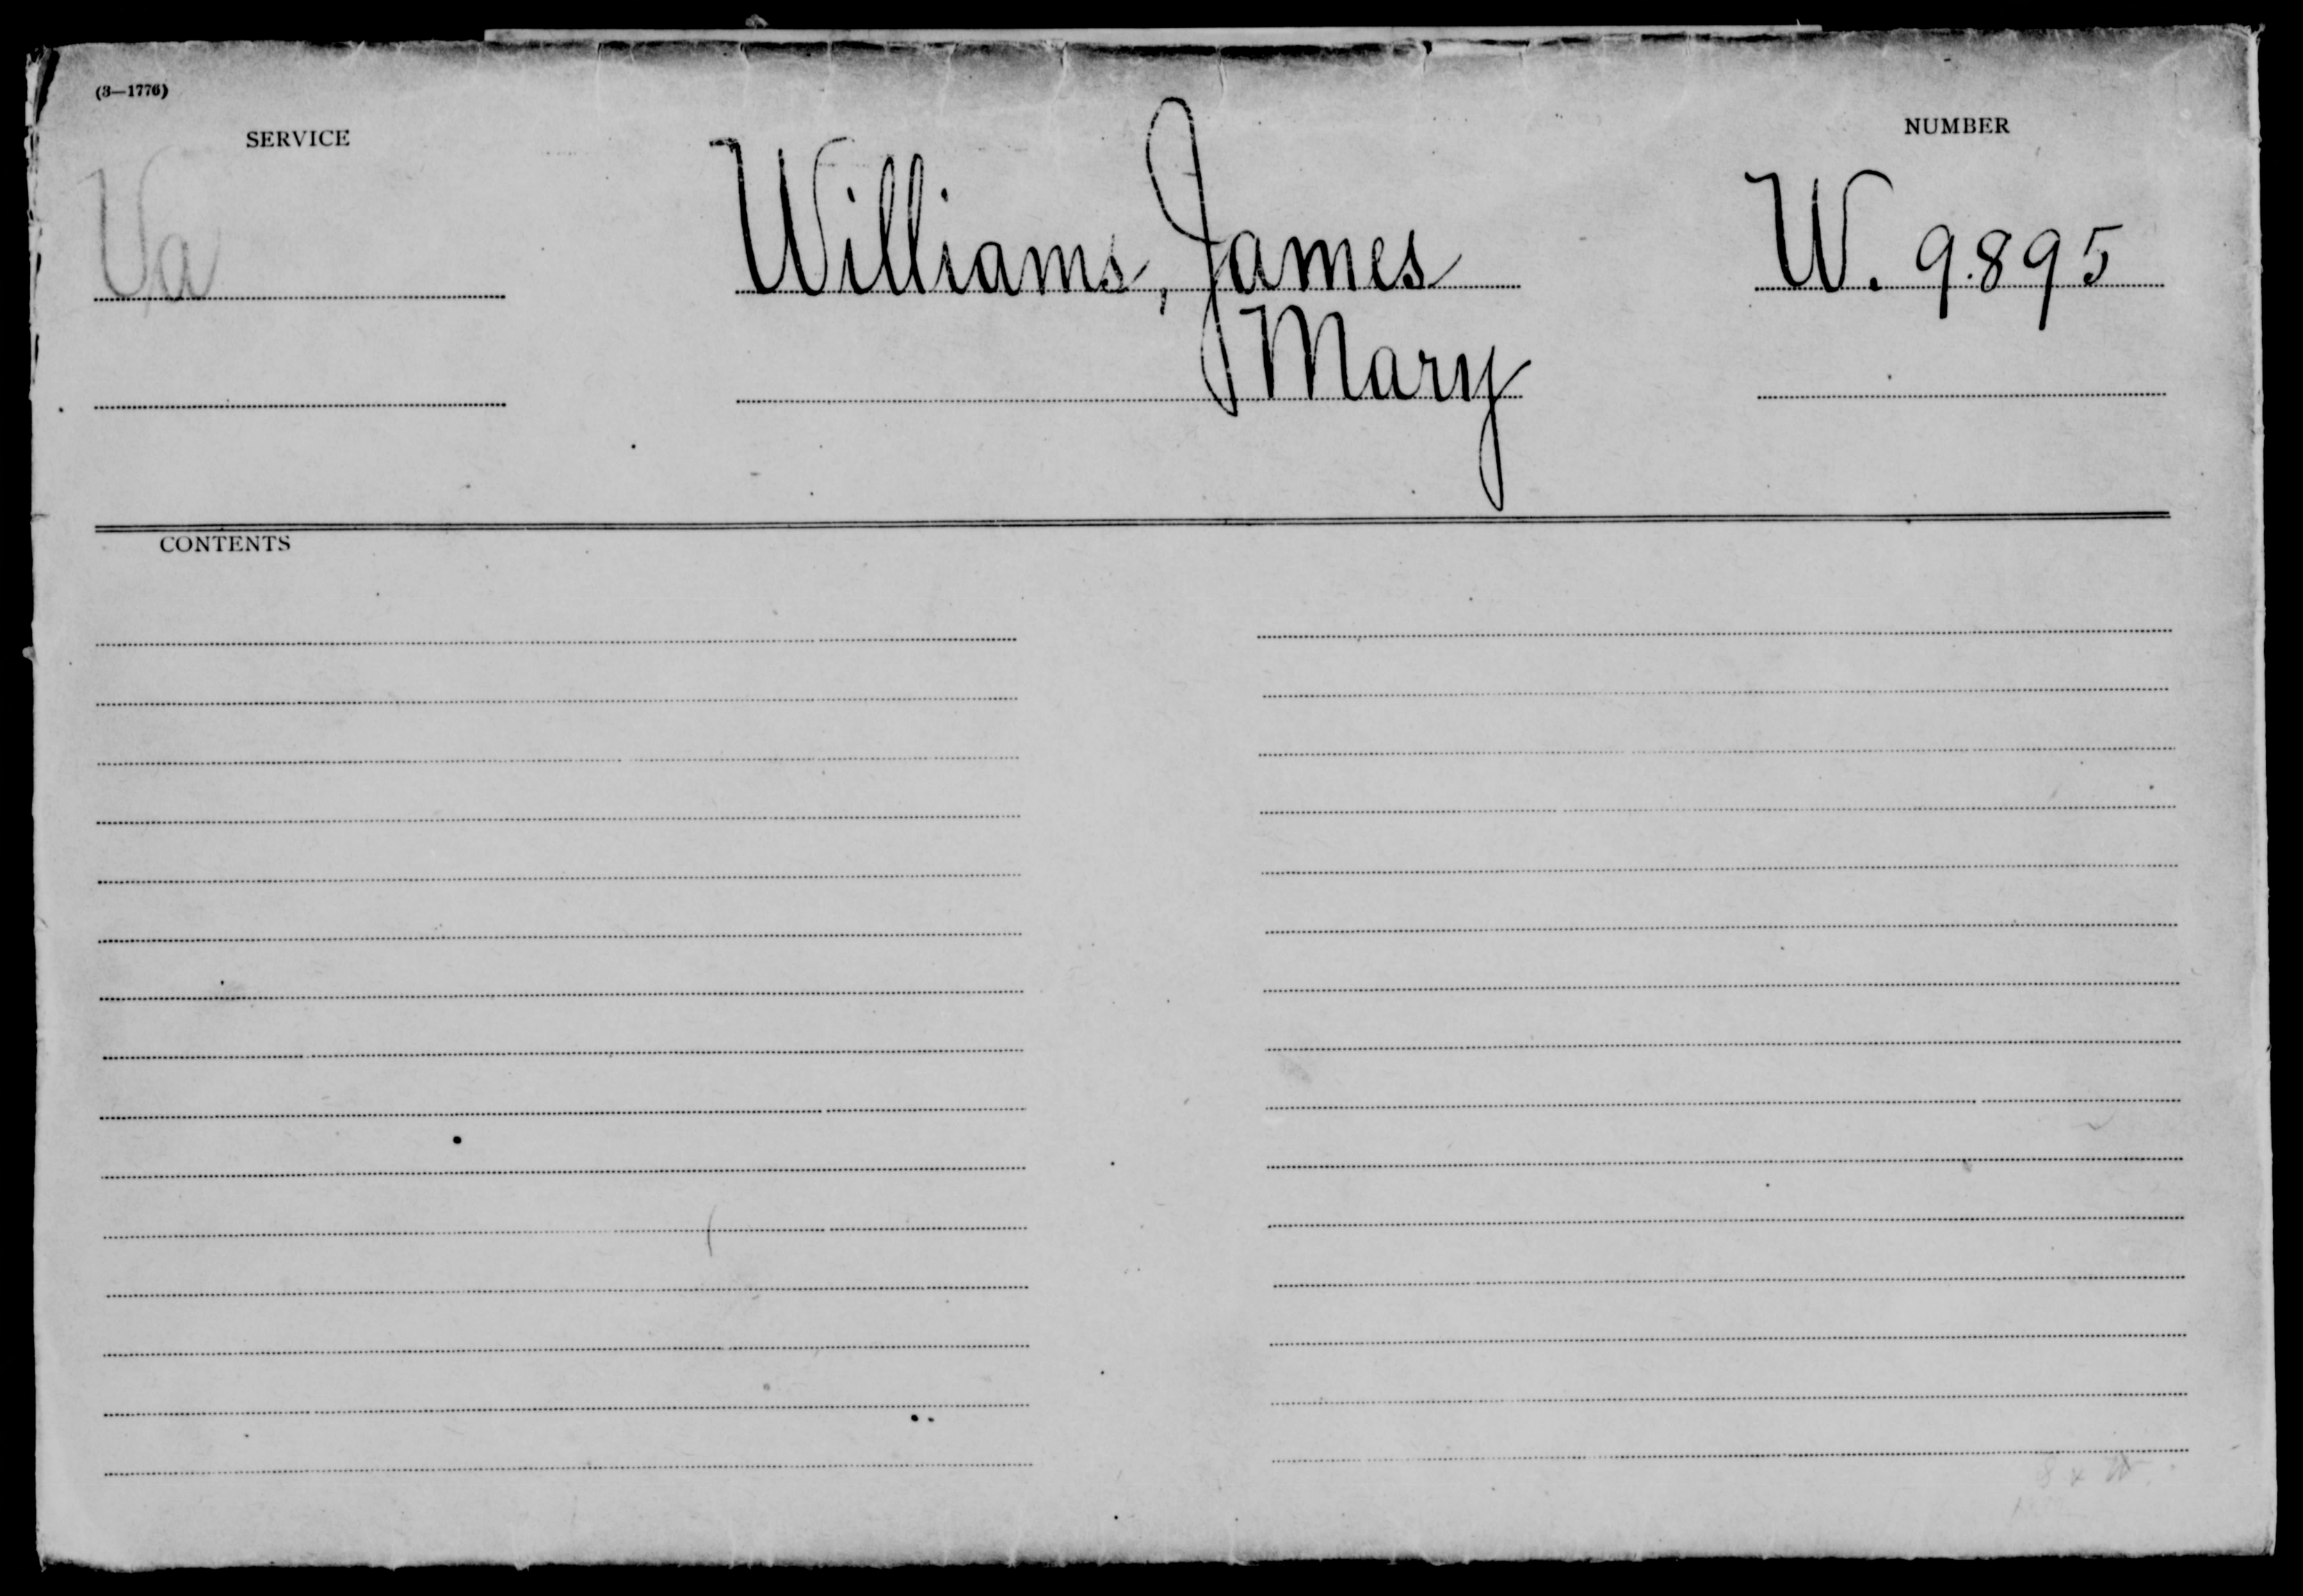3 - 1776)
SERVICE
CONTENTS
Williams, James
Mary
18
NUMBER
W. 9895
sesses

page: 1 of 64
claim: widow's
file: W. 9,895, James Williams, Va